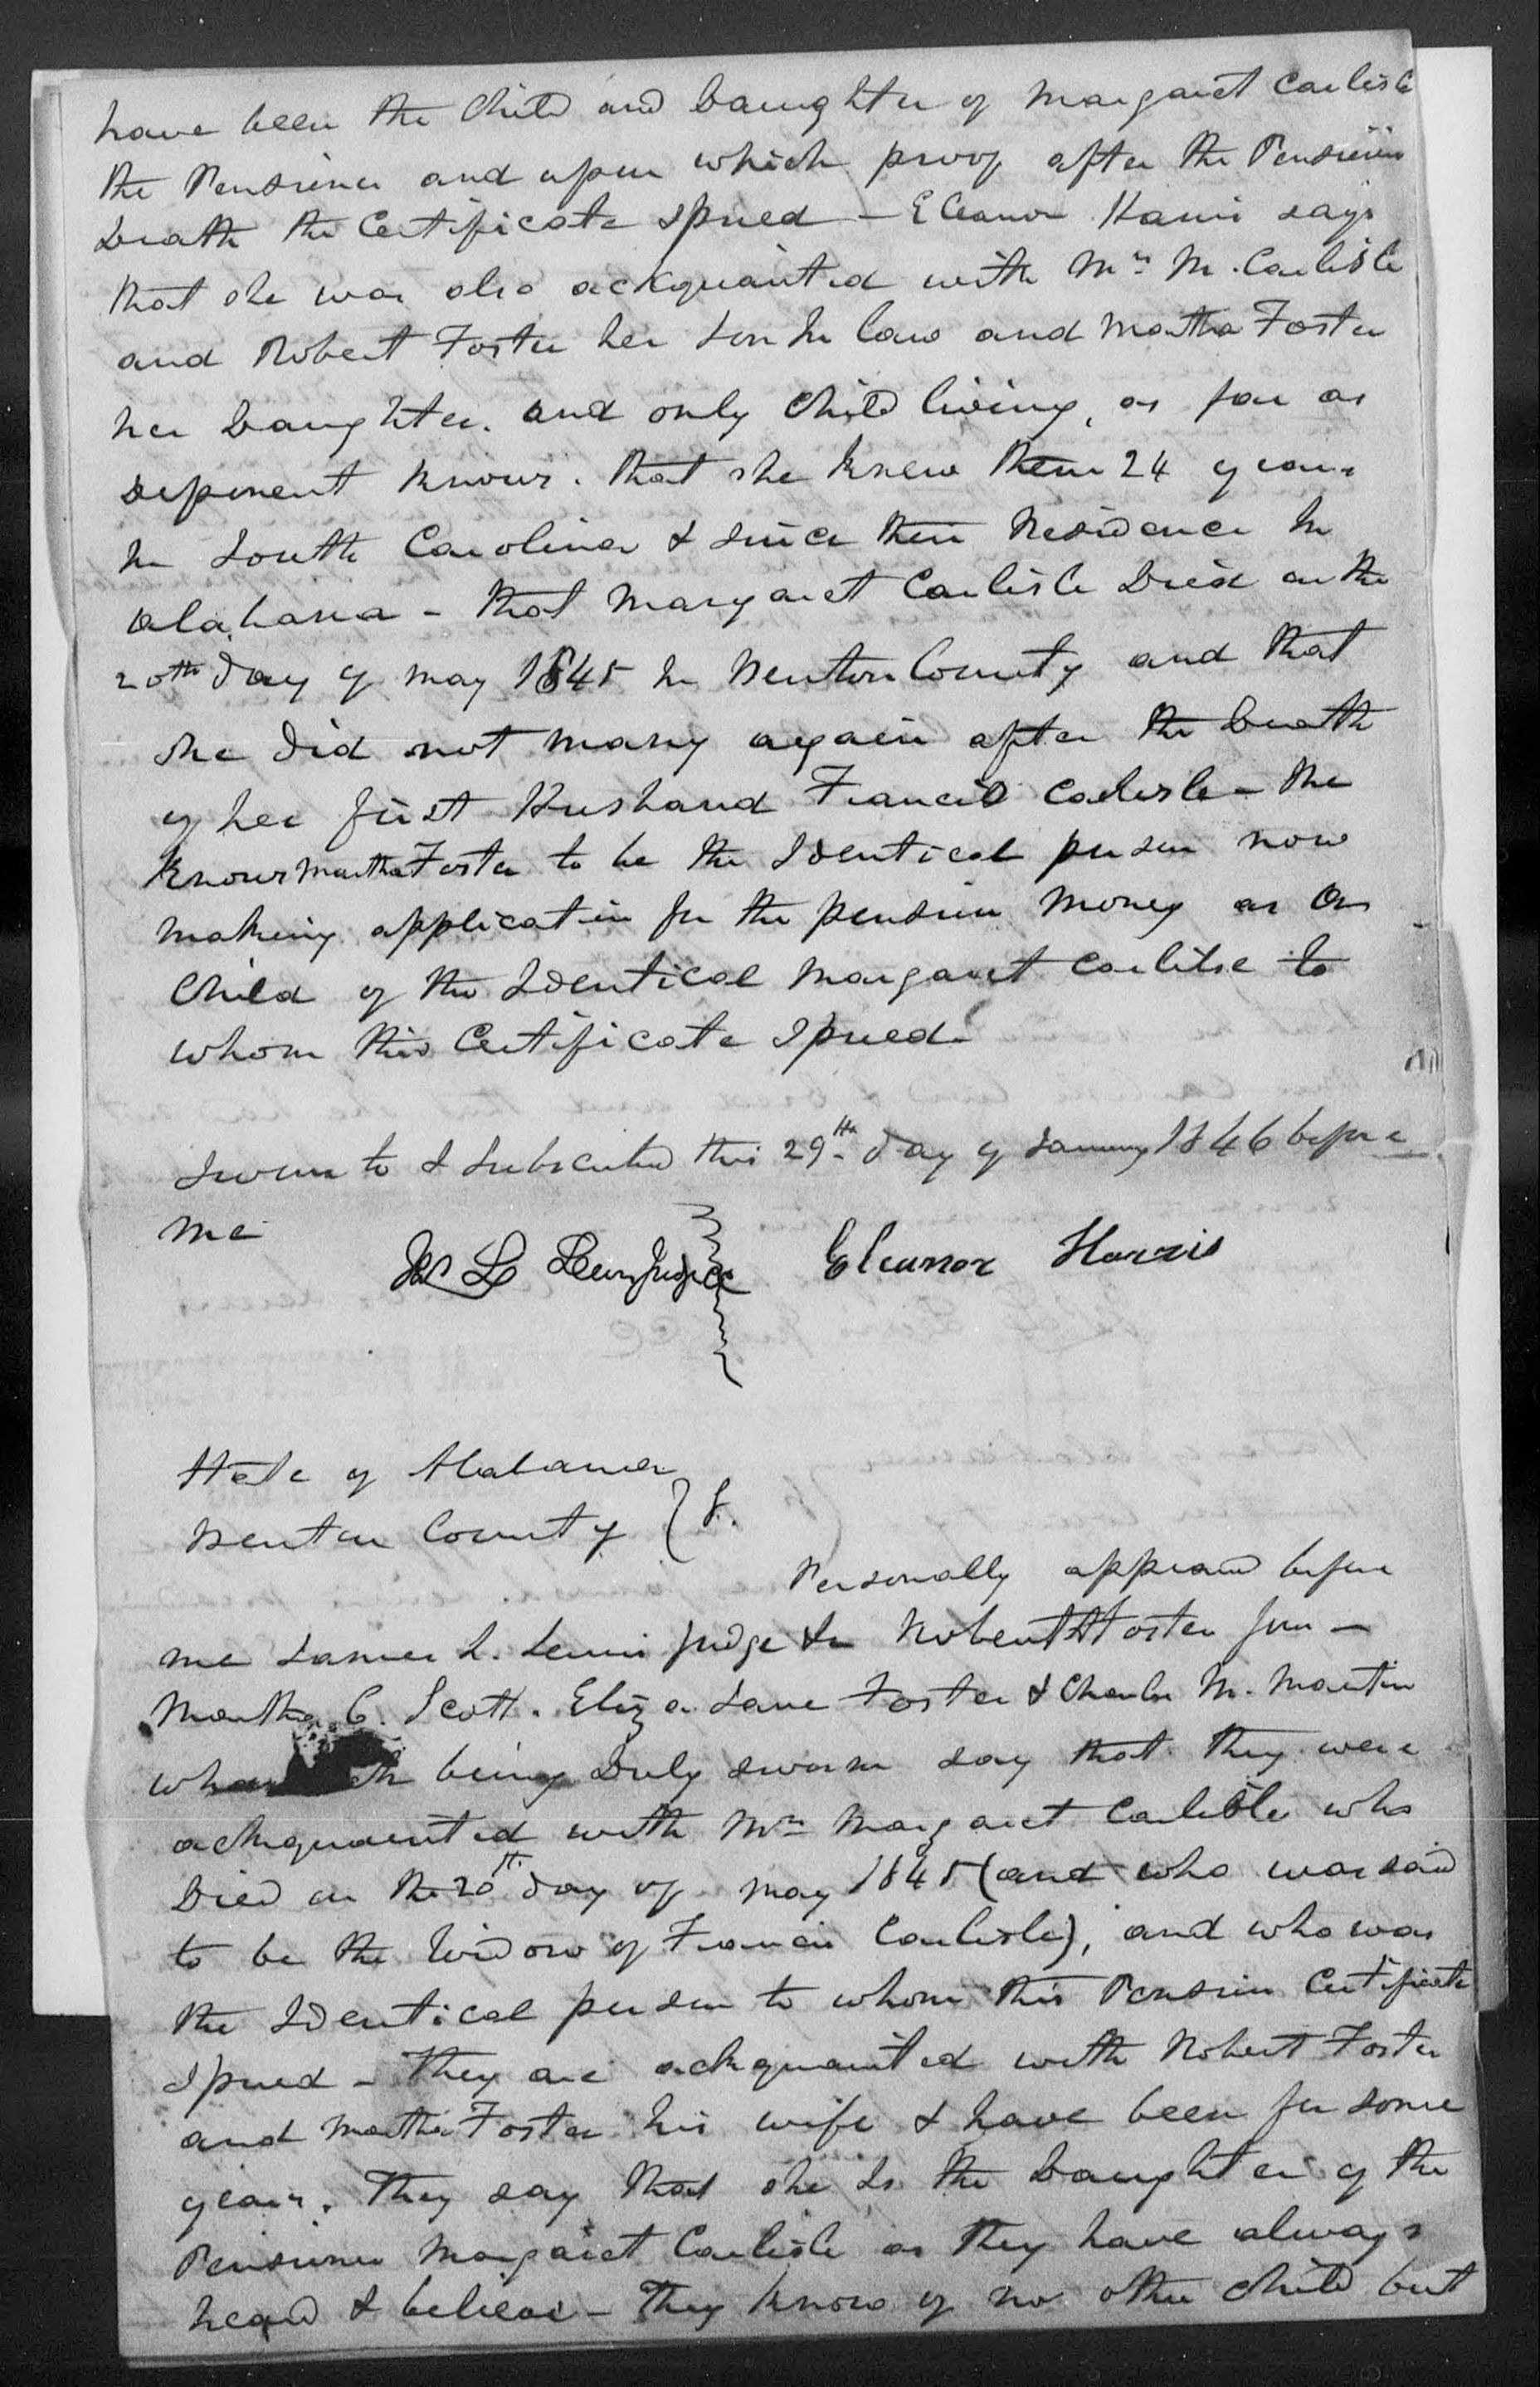have been the child and Daughter of Margaret Carlisle the pensioner and upon which proof after the Pensioners death the certificate expired & Eleanor Harris says that she was also acquainted with Mrs. M. Carlisle and Robert Foster her son in law and Martha Foster her Daughter and only child living, as far as deponent knows. That she knew them 24 years in South Carolina & since then Residence in Alabama - that Margaret Carlisle Died on the 20th day of May 1845 in Benton County and that she did not many again after the death of her first Husband Frances Carlisle she knows Martha Foster to be the Identical person now making application for the pension money as only
child of the Identical Margaret Carlisle to whom this certificate expired
[signed] Eleanor Harris
Sworn to & subscribed this 29th day of January 1846 before
J L Lewis Judge CC

Personally appeared before James L. Lewis Judge &c  Robert A. Foster Jun. Martha C. Scott, Eliza Jane Foster & Charles M. Martin who being duly sworn say that they were acquainted with Mrs. Margaret Carlisle who Died on the 20th day of May 1845 (and who was said to be the widow of Francis Carlisle), and who was the Identical person to whom this Pension Certificate expired -  they are acquainted with Robert Foster and Martha Foster his wife & have been for some years they say that she is the  daughter of the Pensioner Margaret Carlisle or they have always heard & believe they know of no other child but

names: Margaret Carlisle, Margaret Carlisle, Jas L Lewis, Francis Carlisle, James L Lewis, Eleanor Harris, Robert Foster, Margaret Carlilse, Eliza Jane Foster, Robert Foster, Charles M Martin, Martha Foster, Eleanor Harris, Martha Foster, M Carlisle, Margaret Carlisle, Margaret Carlisle, Francis Carlisle, Martha C Scott, Martha Foster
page: 16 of 91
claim: widow's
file: W. 10576, Francis Carlisle, S.C.